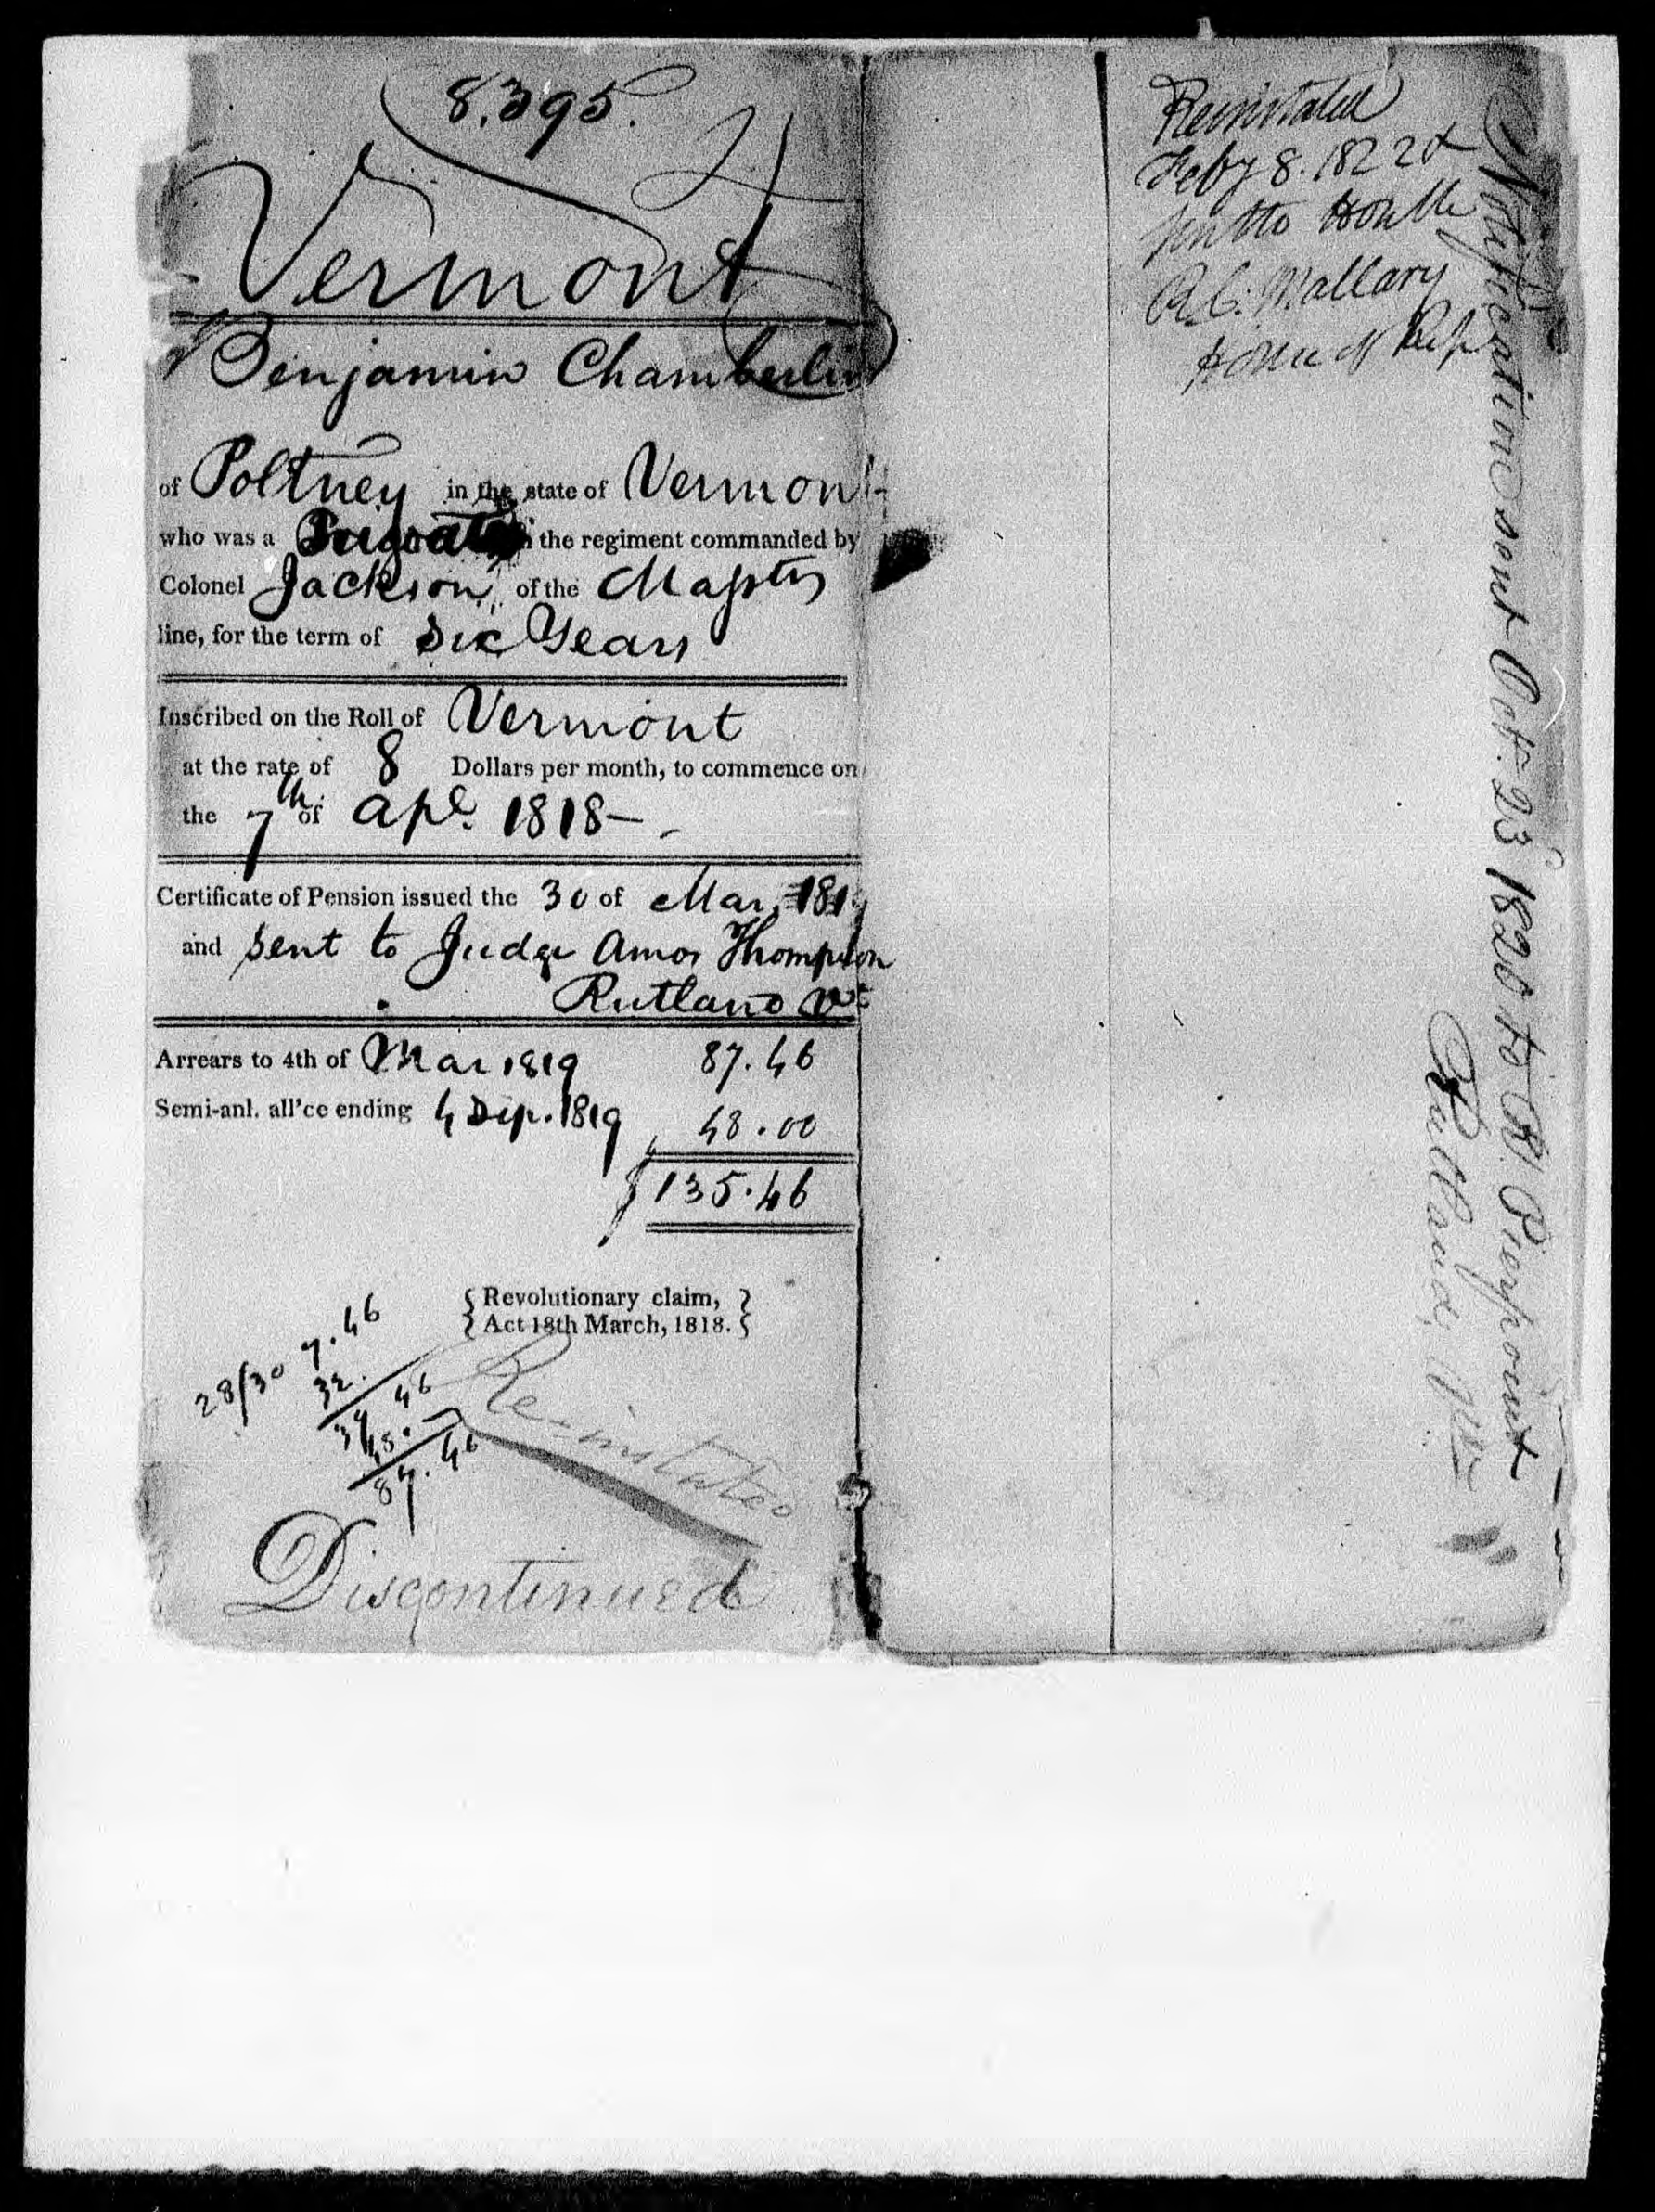[two columns. left column:]
8,395
Vermont Benjamin Chamberlin
of Poltney in the state of Vermont who was a private in the regiment commanded by Colonel Jackson of the Massachusetts line, for the term of Six years
Inscribed on the roll of Vermont at the rate of 8 dollars per month, to commence on the 7th of April 1818
Certificate of pension issued the 30 of March 1819 and sent to Judge Amos Thompson Rutland Vermont
Arrears to 4th March 1819                     $87.46
Semi-annual allowance ending 4 December 1819      $48.00
                                                         -----------
                                                         $135.46
{Revolutionary claim, Act 18th March, 1818}
Re-instated
Discontinued
28/30  7.46
32.
39.46
48.-
87.46

[Right column:]
Reinstated
February 8. 1882 and sent to Honorable R.C. Mallary
House of Representatives
Notification sent October 23  1820 to R Pierpoint Rutland, Vt.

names: R C Mallary, Amos Thompson, Benjamin Chamberlin, Jackson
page: 2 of 30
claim: survivor's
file: S. 39306, Benjamin Chamberlin, Mass.